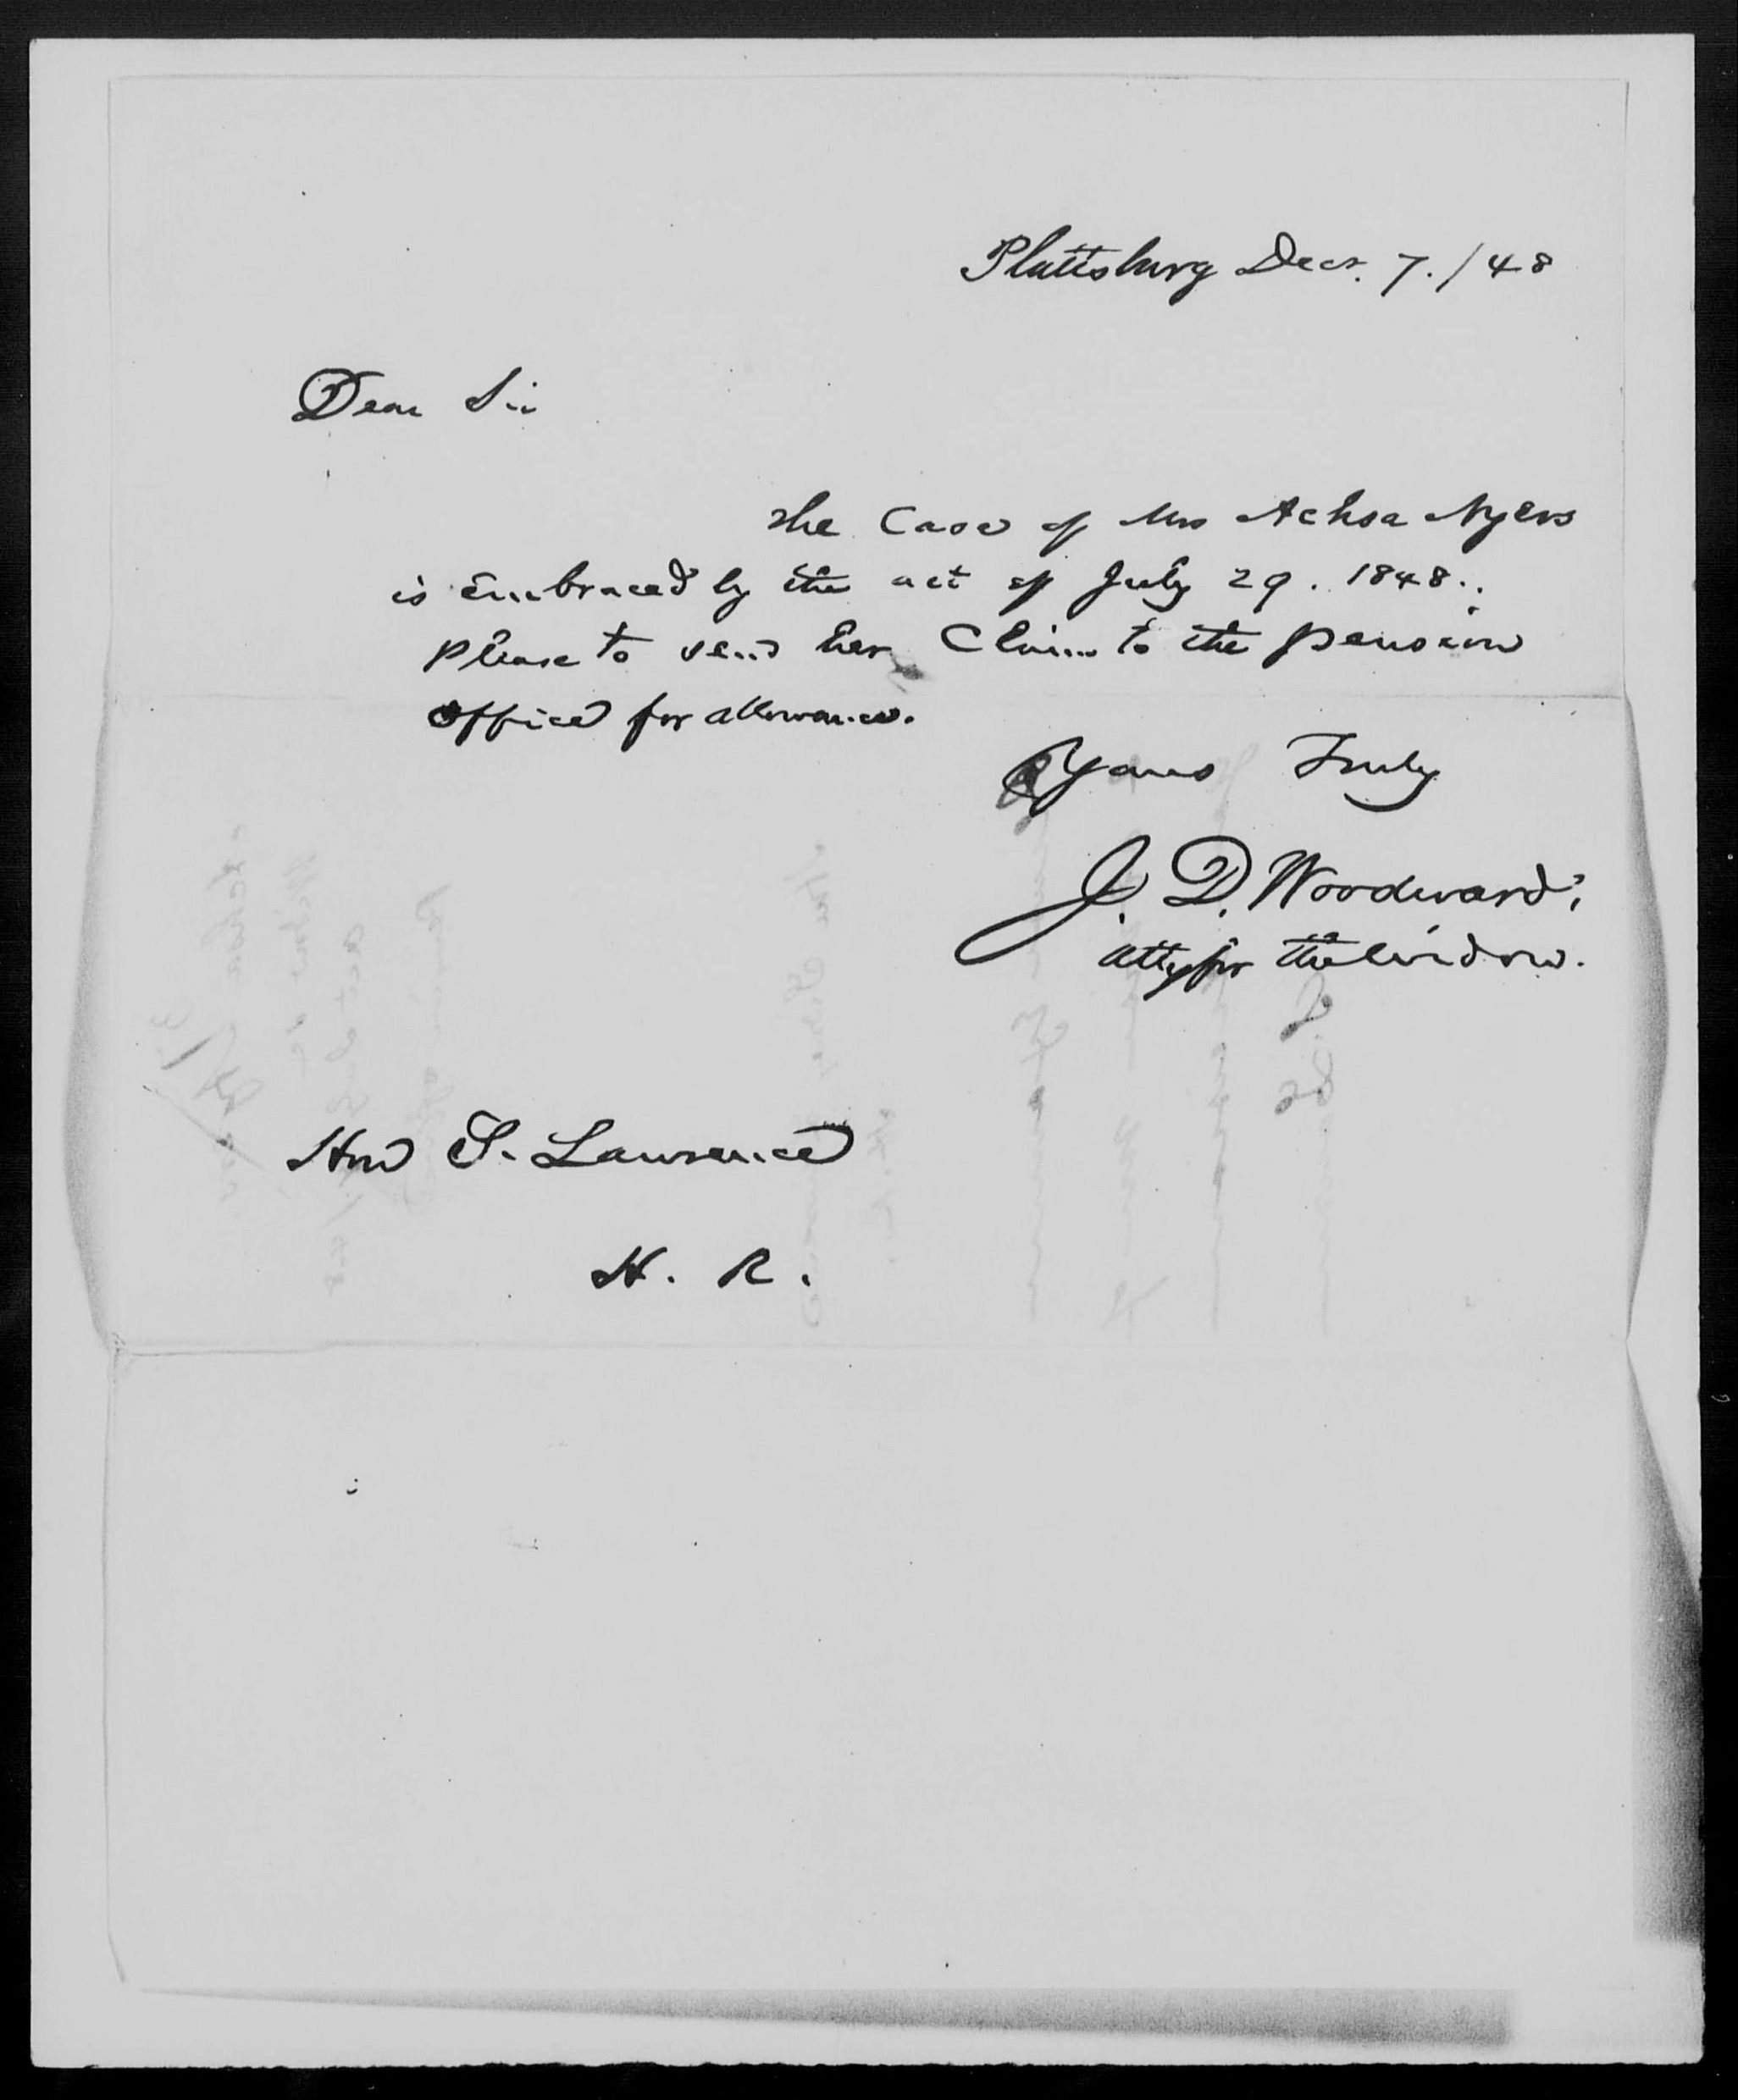Plattsburg Decr. 7 / 48
Dear Sir
The case of Mrs Achsa Ayers is embraced by the act of July 29, 1848.  Please to send her claim to the pension office for allowance.
Yours Truly
J. D. Woodward,
Atty for the widow.
Hon S. Lawrence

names: S Lawrence, J D Woodward, Achsa Ayers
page: 42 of 50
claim: widow's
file: W. 8559, Ebenezer Ayer, Continental (Conn)